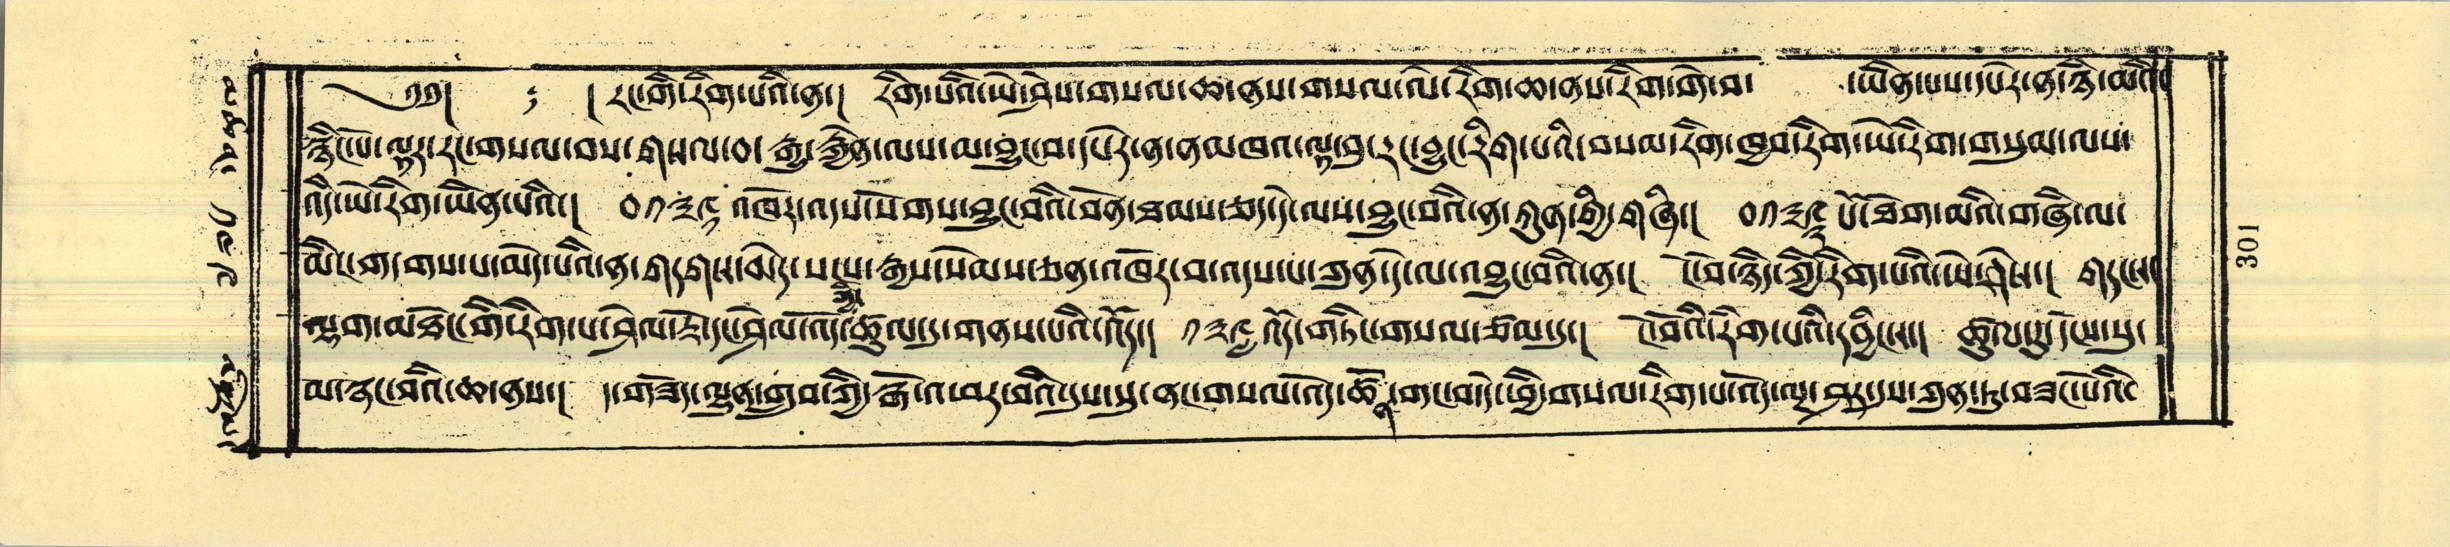རང་གི་རིག་པའི་ན། རིག་པའི་ཡེ་ཤེས་གསལ་ཆ་ནས་གསལ་ལེ་རིག་ཆ་ནས་རིག་གེ་བ། ཡིན་པས་དཔེར་ན་ཉི་མའི་
སྙིང་པོ་ལྟར་རང་གསལ་བས་གསལ་བ་རྒྱུ་རྐྱེན་ལས་མ་བྱུང་བ་དཔེར་ན་ནམ་མཁའ་ལྟ་བུ་རང་བྱུང་རིག་པའི་བསལ་རིག་ཁྱབ་རིག་ཡེ་རིག་གསུམ་ལས་
འདི་ཡེ་རིག་ཡིན་པའི། བ༡༣༩།༡ འཁོར་འདས་སོགས་བྱུང་བའི་བོན་ཐམས་ཅད་དེ་ལས་བྱུང་བའི་ན་ཀུན་གྱི་གཞི་ བ༡༣༩།༢ པོ་ཐོག་མའི་གཞི་ལ་
མིང་གདགས་པ་མེད་པའི་ན་གདགས་མེད་སངས་རྒྱས་སེམས་ཅན་འཁོར་བ་འདས་པ་ཀུན་དེ་ལ་འབྱུང་བའི་ན། ངོ་བོ་ཉིད་ཀྱི་རིག་པའི་ ཡེ་ཤེས། གདངས་
ལྷག་མཐོང་གི་རིག་པ་ཤེལ་རྡོ་དང་ཤེལ་འོད་ཀྱི་ཚུལ་དུ་གནས་པའི་འོད་ བ༡༣༩།༤ འོད་གཏིང་གསལ་ཙམ་དུ། ངོ་བོའི་རིག་པའི་དབྱིངས། ཚུལ་དུ་དངོས་སུ་
མ་སྣང་བའི་ཆ་ནས། ད་གཟོད་ལྷུན་གྲུབ་ཀྱི་སྒོ་འཕར་བའི་དུས་སུ་ནང་གསལ་འོད་ཚོན་གང་བ་དེ་ཕྱི་གསལ་རིག་པ་འོད་ལྔ་ཤར་དུས་ཀུན་ཏུ་བཟང་པོའི་